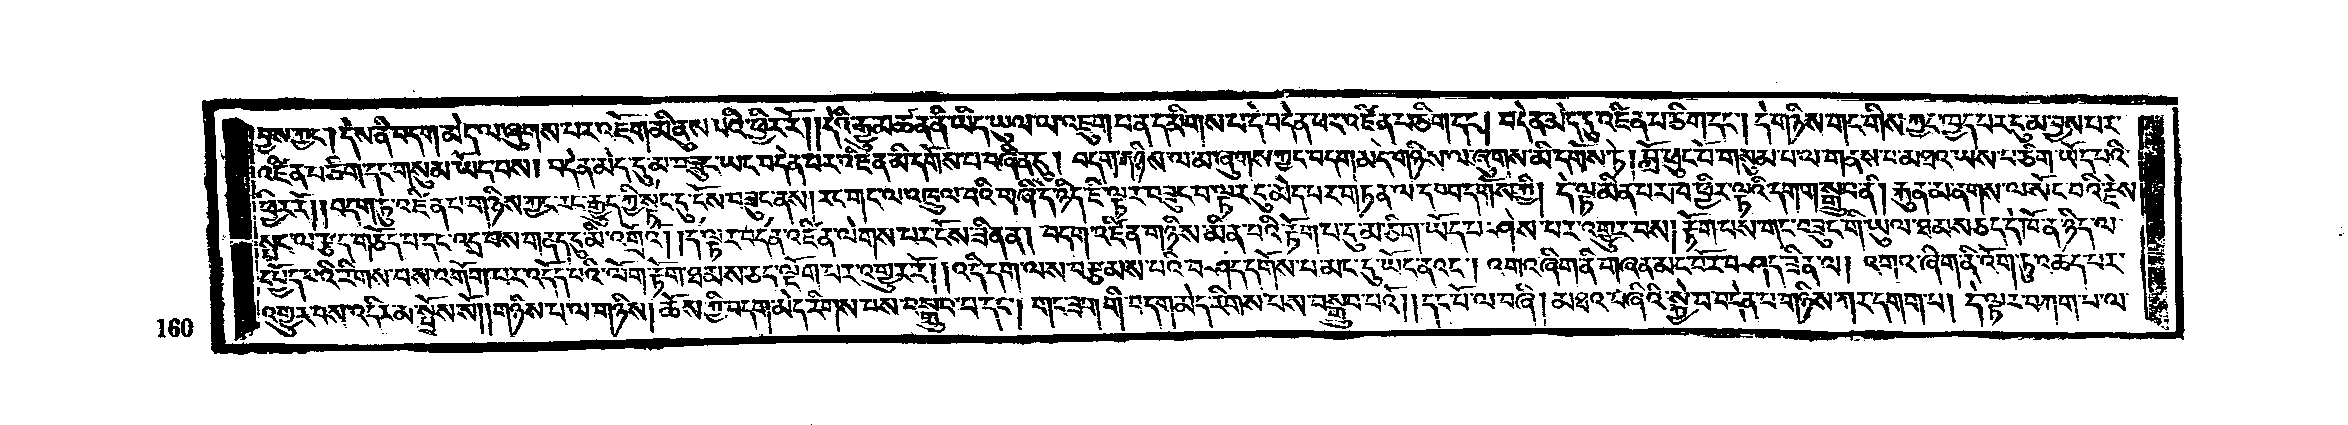བྱས་ཀྱང་། དེས་ནི་བདག་མེད་ལ་ཞུགས་པར་འཇོག་མི་ནུས་པའི་ཕྱིར་རོ། །དེའི་རྒྱུ་མཚན་ནི་ཡིད་ཡུལ་ལ་འཇུག་པ་ན་དམིགས་པ་དེ་བདེན་པར་འཛིན་པ་ཅིག་དང་། བདེན་མེད་དུ་འཛིན་པ་ཅིག་དང་། དེ་གཉིས་གང་གིས་ཀྱང་ཁྱད་པར་དུ་མ་བྱས་པར་
འཛིན་པ་ཅིག་དང་གསུམ་ཡོད་པས། བདེན་མེད་དུ་མ་བཟུང་ཡང་བདེན་པར་འཛིན་མི་དགོས་པ་བཞིན་དུ། བདག་གཉིས་ལ་མ་ཞུགས་ཀྱང་བདག་མེད་གཉིས་ལ་ཞུགས་མི་དགོས་ཏེ། བློ་ཕུང་པོ་གསུམ་པ་ལ་གནས་པ་མཐའ་ཡས་པ་ཅིག་ཡོད་པའི་
ཕྱིར་རོ། །བདག་ཏུ་འཛིན་པ་གཉིས་ཀྱང་རང་རྒྱུད་ཀྱི་སྟེང་དུ་ངོས་བཟུང་ནས། རང་གང་ལ་འཁྲུལ་བའི་གཞི་དེ་ཉིད་ཇི་ལྟར་བཟུང་བ་ལྟར་དུ་མེད་པར་གཏན་ལ་འབབ་དགོས་ཀྱི། དེ་ལྟ་མིན་པར་ཁ་ཕྱིར་ལྟའི་དགག་སྒྲུབ་ནི། རྐུན་མ་ནགས་ལ་སོང་བའི་རྗེས་
སྤང་ལ་རྩད་གཅོད་པ་དང་འདྲ་བས་གནད་དུ་མི་འགྲོའོ། །དེ་ལྟར་བདེན་འཛིན་ལེགས་པར་ངོས་ཟིན་ན། བདག་འཛིན་གཉིས་མིན་པའི་རྟོག་པ་དུ་མ་ཅིག་ཡོད་པ་ཤེས་པར་འགྱུར་བས། རྟོག་པས་གང་བཟུང་གི་ཡུལ་ཐམས་ཅད་དེ་ཁོ་ན་ཉིད་ལ་
དཔྱོད་པའི་རིགས་པས་འགོག་པར་འདོད་པའི་ལོག་རྟོག་ཐམས་ཅད་ལྡོག་པར་འགྱུར་རོ། །འདི་དག་ལས་བརྩམས་པའི་བཤད་དགོས་པ་མང་དུ་ཡོད་ནའང་། འགའ་ཞིག་ནི་གཞན་མང་པོར་བཤད་ཟིན་ལ། འགའ་ཞིག་ནི་འོག་ཏུ་འཆད་པར་
འགྱུར་བས་འདིར་མ་སྤྲོས་སོ།། ༈ །།གཉིས་པ་ལ་གཉིས། ཆོས་ཀྱི་བདག་མེད་རིགས་པས་བསྒྲུབ་པ་དང་། གང་ཟག་གི་བདག་མེད་རིགས་པས་བསྒྲུབ་པའོ། །དང་པོ་ལ་བཞི། མཐའ་བཞིའི་སྐྱེ་བ་བདེན་པ་གཉིས་ཀར་དགག་པ། དེ་ལྟར་བཀག་པ་ལ་